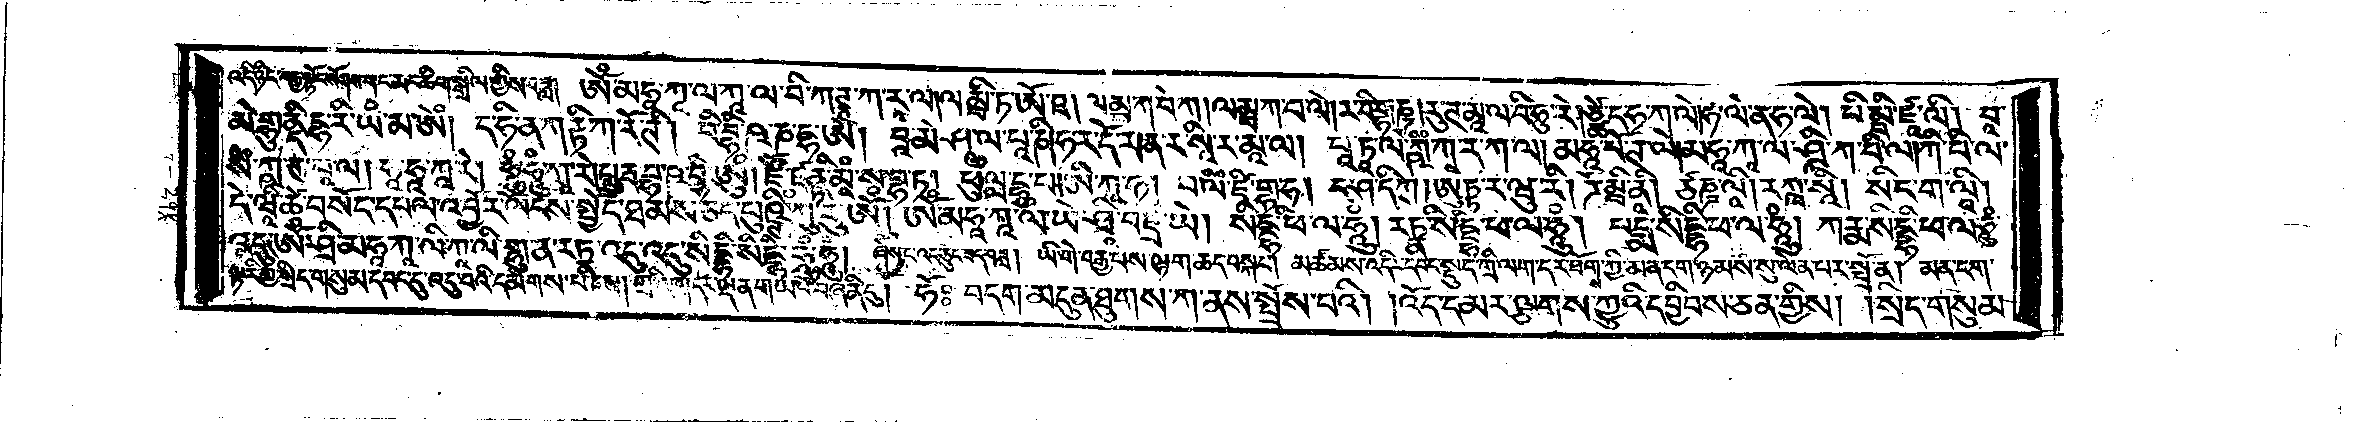འདི་ཉིད་བརྒྱ་སྟོང་སོགས་གང་མང་ཚིག་སྒྲིལ་གྱིས་བཟླ། ཨོཾ་མཧཱ་ཀཱ་ལ་ཀཱ་ལ་བི་ཀཊྚ་ཀ་རཱ་ལ། ལམྦི་ཏ་ཨོ་ཊཿཨ། ལམྦ་ཀ་བི་ཀ། ལམྦ་ཀ་བ་ལེ། ར་བིཧགཎྜ། རུ་ཊ་མཱ་ལ་ཡི་ཧུ་རེ། ཙྪེ་ཧ་ཀ་ལེ། ཧ་ལེ་ན་ཧ་ལེ། པི་མྦི་ཛཱ་ལི། བཱ་
མེ་གྷུནྡི་དྷ་རི་ཡཾ་མ་ཨེཾ། ད་ཧི་ན་ཀ་རྟི་ཀ་རོ་ཊི། བི་བྷི་ཥ་ཎ་དྷ་ཨོཾ། བཱ་མེ་ཤཱུ་ལ་པཱ་ཎི། ཧ་ར་དོ་ལན་ར་སཱི་ར་མཱ་ལ། པཱ་ཏཱ་ལེཀྵེཾ་ཀཱ་ར་ཀ་ལ། མཧཱཾ་ལོ་ཊ་ལེ། མཧཱ་ཀཱ་ལ་ཤྲི་ཀ་པ་ལ། ཀི་བི་ལ་
སི་ཀྵ་ཊ་པཱ་ལ། ཧཱ་ཧཱ་ཀཱ་རེ། ཧཱུཾ་ཧཱུཾ་ཀཱ་རེ། པཱུ་རྦ་བྷ་ཥ་བྷི་ཨུཾ། ཛཽ་ཛ་ནི་མཱཾ་སཱ་བྷ་ཏ། ཕུལླ་དྷཱུ་པ། ཨི་ཀཱ་ཧ། བ་ལཾ་ཇི་གྷ་ཧ། ད་ཤ་དི་ཀྲ། ཨུཏྟ་ར་ཝུ་རི། ཌོམྦི་ནཱི། ཙཎྜ་ལE། རཀྑ་སཱི། སིང་ག་ལཱི།
དེ་ཝཱ་ཚེ་བསོད་དཔལ་འབྱོར་ལོངས་སྤྱོད་ཐམས་ཅད་པུཥྚི་ཀུ་རུ་ཨོཾ། ཨོཾ་མཧཱ་ཀཱ་ལ་ཡེ་ཤྲཱི་བཛྲ་ཡེ། སིདྡྷི་ཕ་ལ་ཧཱུཾ། རཏྣ་སིདྡྷི་ཕ་ལ་ཧཱུཾ། པདམ་སིདྡྷི་ཕ་ལ་ཧཱུཾ། ཀརྨ་སིདྡྷི་ཕ་ལ་ཧཱུཾ་
འདུཌ་ཨོཾ་ཤྲི་མ་ཧཱ་ཀཱ་ལི་ཀཱ་ལི་གྷུ་ན་རཏྣ་འདུ་འདུ་སིདྡྷི་སིདྡྷི་ཧཱུཾ་ཧཱུཾ། ཞེས་པའང་ཅུང་ཟད་བཟླ། ཡི་གེ་བརྒྱ་པས་ལྷག་ཆད་བསྐང་། མཚམས་འདིར་དབང་སྡུད་གྲི་ལག་དར་ཐོགས་ཀྱི་མན་ངག་ཉམས་སུ་ལན་པར་སྤྲོ་ན། མན་ངག་
ལྟར་གྱི་སྲིད་གསུམ་དབང་དུ་འདུ་བའི་དམིགས་པ་དང་། གྲི་ལག་དར་ལྡན་གཡབ་བཞིན་དུ། ཧོཿབདག་མདུན་ཐུགས་ཀ་ནས་སྤྲོས་པའི། །འོད་དམར་ལྕགས་ཀྱུའི་དབྱིབས་ཅན་གྱིས། །སྲིད་གསུམ་